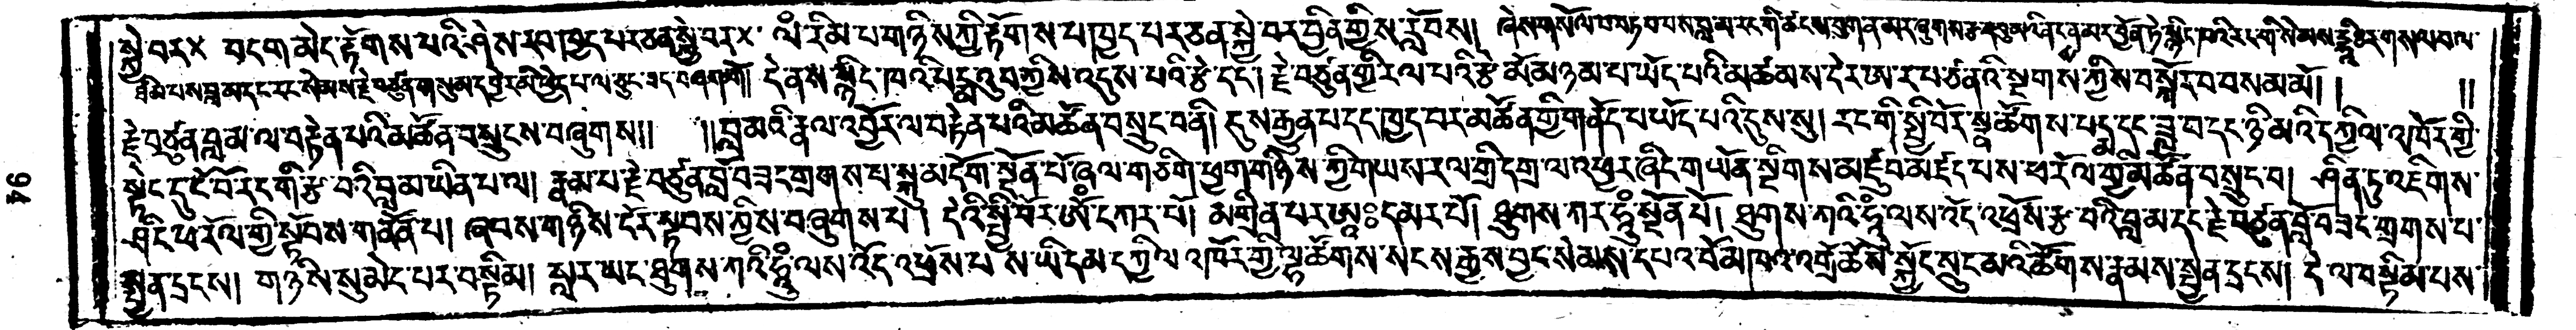སྐྱེ་བར་྾་བདག་མེད་རྟོགས་པའི་ཤེས་རབ་ཁྱད་པར་ཅན་སྐྱེ་བར་྾་ལཾ་རིམ་པ་གཉིས་ཀྱི་རྟོགས་པ་ཁྱད་པར་ཅན་སྐྱེ་བར་བྱིན་གྱིས་རློབས། ཞེས་གསོལ་བ་བཏབ་པས་བླ་མ་རང་གི་ཚངས་བུག་ན་མར་ཞུགས་རྩ་དབུ་མའི་ནངས་ན་མར་བྱོན་ཏེ་སྙིང་ཁའི་རང་གི་སེམས་དྷཱིཿ ར་གསལ་བ་ལ་
ཐིམ་པས་བླ་མ་དང་རང་སེམས་རྗེ་བཙུན་གསུམ་དབྱེར་མི་ཕྱེད་པ་ལ་ཅུང་ཟད་བཞག་གོ། དེ་ནས་སྙིང་ཁའི་པདམ་འུབ་ཀྱིས་འདུས་པའི་རྩེ་དང་། རྗེ་བཙུན་གྱི་རལ་པའི་རྩེ་མོ་མཉམ་པ་ཡོད་པའི་མཚམས་དེར་ཨ་ར་པ་ཙ་ནའི་སྔགས་ཀྱིས་བསྐོར་བ་བསམ་མོ།། །།
རྗེ་བཙུན་བླ་མ་ལ་བརྟེན་པའི་མཚོན་བསྲུངས་བཞུགས།། །།བླ་མའི་རྣལ་འབྱོར་ལ་བརྟེན་པའི་མཚོན་བསྲུང་བ་ནི། དུས་རྒྱུན་པ་དད་ཁྱད་བར་མཚོན་གྱི་གནོད་པ་ཡོད་པའི་དུས་སུ། རང་གི་སྤྱི་བོར་སྣ་ཚོགས་པདམ་དང་ཟླ་བ་དང་ཉི་མའི་དཀྱིལ་འཁོར་གྱི་
སྟེང་དུ་ངོ་བོ་རང་གི་རྩ་བའི་བླ་མ་ཡིན་པ་ལ། རྣམ་པ་རྗེ་བཙུན་བློ་བཟང་གྲགས་པ་སྐུ་མདོག་སྔོན་པོ་ཞལ་གཅིག་ཕྱག་གཉིས་ཀྱི་གཡས་རལ་གྲི་དགྲ་ལ་འཕྱར་ཞིང་གཡོན་སྡིགས་མཛུབ་མཛད་པས་ཕ་རོལ་གྱི་མཚོན་བསྲུང་བ། ཤིན་ཏུ་འཇིགས་
ཤིང་ཕ་རོལ་གྱི་སྟོབས་གནོན་པ། ཞབས་གཉིས་ངོར་སྟབས་ཀྱིས་བཞུགས་པ། དེའི་སྤྱི་བོར་ཨོཾ་དཀར་པོ། མགྲིན་པར་ཨཱཿ དམར་པོ། ཐུགས་ཀར་ཧཱུཾ་སྔོན་པོ། ཐུགས་ཀའི་ཧཱུཾ་ལས་འོད་འཕྲོས་རྩ་བའི་བླ་མ་དང་རྗེ་བཙུན་བློ་བཟང་གྲགས་པ་
སྤྱན་དྲངས། གཉིས་སུ་མེད་པར་བསྟིམ། སླར་ཡང་ཐུགས་ཀའི་ཧཱུཾ་ལས་འོད་འཕྲོས་པས་ཡི་དམ་དཀྱིལ་འཁོར་གྱི་ལྷ་ཚོགས་སངས་རྒྱས་བྱང་སེམས་དཔའ་བོ་མཁའ་འགྲོ་ཆོས་སྐྱོང་སྲུང་མའི་ཚོགས་རྣམས་སྤྱན་དྲངས། དེ་ལ་བསྟིམ་པས་